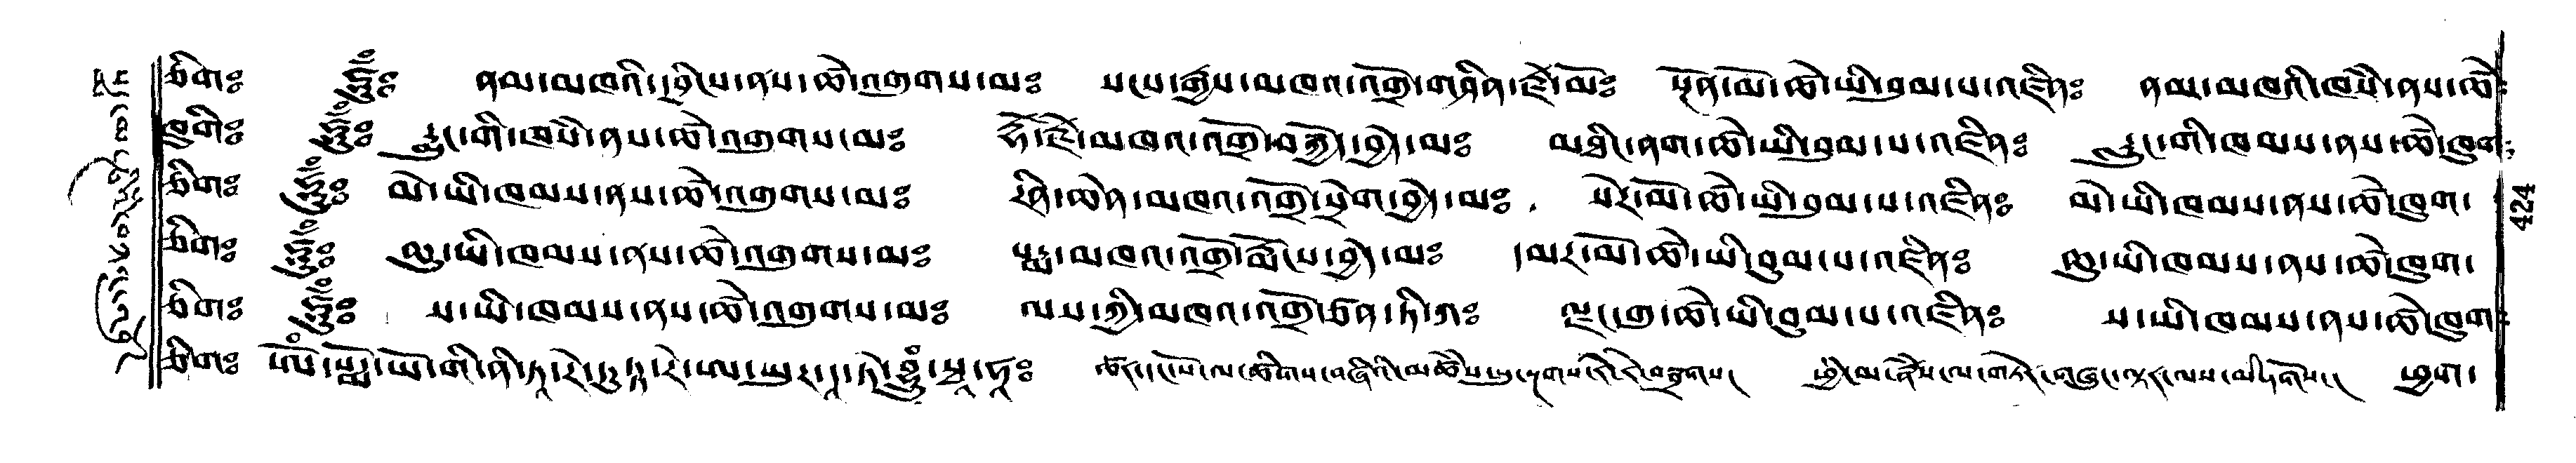ཅིག༔ ཧཱུྃ༔ ནམ་མཁའི་དབྱིངས་ནས་ཚེ་འགུགས་མ༔ སངས་རྒྱས་མཁའ་འགྲོ་གཤིན་རྗེ་མོ༔ སྔོན་མོ་ཚེ་ཡི་བུམ་པ་འཛིན༔ ནམ་མཁའི་ཁམས་ནས་ཚེ་
ཁུག་ཅིག༔ ཧཱུྃ༔ རླུང་གི་ཁམས་ནས་ཚེ་འགུགས་མ༔ རྡོ་རྗེ་མཁའ་འགྲོ་སྐྱོད་བྱེད་མ༔ མཐིང་ནག་ཚེ་ཡི་བུམ་པ་འཛིན༔ རླུང་གི་ཁམས་ནས་ཚེ་ཁུག་
ཅིག༔ ཧཱུྃ༔ མེ་ཡི་ཁམས་ནས་ཚེ་འགུགས་མ༔ རིན་ཆེན་མཁའ་འགྲོ་སྲེག་བྱེད་མ༔ སེར་མོ་ཚེ་ཡི་བུམ་པ་འཛིན༔ མེ་ཡི་ཁམས་ནས་ཚེ་ཁུག་
ཅིག༔ ཧཱུྃ༔ ཆུ་ཡི་ཁམས་ནས་ཚེ་འགུགས་མ༔ པདྨ་མཁའ་འགྲོ་རྨོངས་བྱེད་མ༔ དམར་མོ་ཚེ་ཡི་བུམ་པ་འཛིན༔ ཆུ་ཡི་ཁམས་ནས་ཚེ་ཁུག་
ཅིག༔ ཧཱུྃ༔ ས་ཡི་ཁམས་ནས་ཚེ་འགུགས་མ༔ ལས་ཀྱི་མཁའ་འགྲོ་ཙནྟྲི་ཀ༔ ལྗང་གུ་ཚེ་ཡི་བུམ་པ་འཛིན༔ ས་ཡི་ཁམས་ནས་ཚེ་ཁུག་
ཅིག༔ ཨོཾ་པདྨོ་ཡོ་གི་ནི་ཏཱ་རེ་ཏུཏྟ་རེ་ཨ་ཡུར་དཱ་ཏེ་བྷྲཱུྃ་སྭ་ཧཱ༔ ཚར་དང་པོ་ལ་ཚིག་བཞིའི་མཚམས་སུ་སྔགས་རེ་རེ་སྦྲགས།ཕྱི་མ་རྣམས་ལ་གཏེར་གཞུང་ལྟར་ལས་མི་དགོས། ཕྱག་